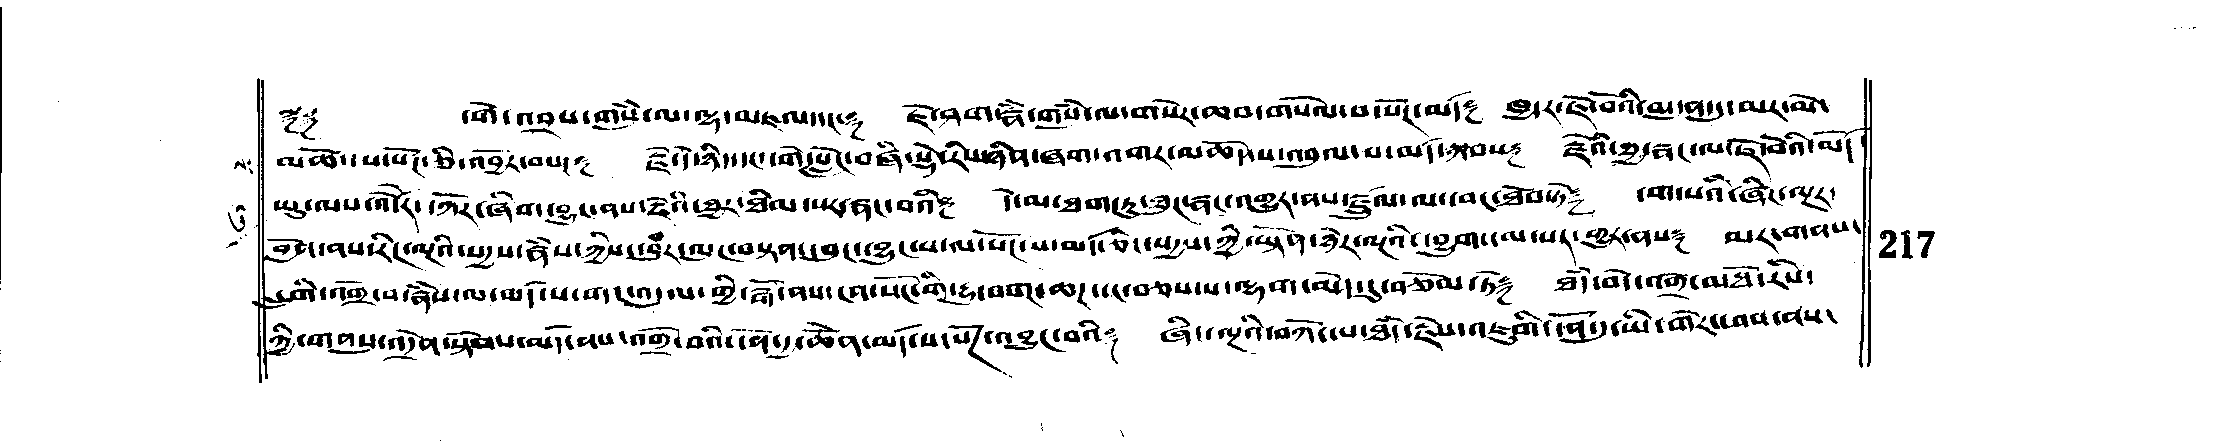དགའ་འབྲས་གསུམ་ལ་ལྷ་མཇལ་དང་། ཇོ་ཤག་རྣམ་གསུམ་ལ་གསེར་ཆབ་གསོལ་བ་སོགས་མཛད། ཁྱད་པར་ཇོ་བོའི་མདུན་དུ་མར་མེ་
མཆོད་པ་སོགས་ཅི་འབྱོར་བསགས། རྗེ་དེ་ཉིད་དང་དགེ་སློང་བཞི་སྡེ་རེས་ཉིན་ཞག་འགར་མཆོད་པ་འབུལ་པ་མཛད་སྐབས། རྗེའི་ཐུགས་སྣང་ལ་ཇོ་བོའི་མཛོད་
སྤུ་ལས་འོད་ཟེར་དཀར་པོ་ཞིག་བྱུང་ནས་རྗེའི་ཐུགས་དཀར་ཐིམ་པར་སྣང་བའི། དེ་མ་ཐག་ཏུ་ཐུགས་སྣང་འགྱུར་ནས་རྫུ་འཕྲུལ་ལ་དབང་ཐོབ་ཏེ། དག་པའི་ཞིང་ལྔར་
བྱོན་ནས་རིགས་ལྔའི་སངས་རྒྱས་རྣམས་ཀྱིས་དབང་སྐུར་ལུང་བསྟན་དབུགས་དབྱུང་བ་ལ་སོགས་པ་མཛད་ཅིང་སངས་རྒྱས་ཀྱི་ཡོན་ཏན་ཉེར་ལྔའི་དབང་ཕྱུག་དམ་པར་གྱུར་ནས། མར་གནས་
དྲུག་གི་འགྲོ་བ་རྣམས་ལ་མཛད་པ་གང་འདུལ་གྱི་སྒོ་ནས་ངན་སོང་གི་རྒྱུ་བག་ཆགས་དང་བཅས་པ་ལྷག་མེད་དུ་བཅོམ་ཏེ། ཐམས་ཅད་བདེ་འགྲོ་མཐོ་རིས་
ཀྱི་གནས་སུ་འདྲེན་སྟོབས་མཛད་ནས་འགྲོ་བའི་དོན་རྒྱ་ཆེན་པོ་མཛད་པ་སོགས་འབྱུང་བས། ཞིང་ལྔའི་བཀོད་པ་ཐམས་ཅད་རྗེས་འཇུག་གི་དོན་དུ་ཡི་གེར་ཕབ་ནས་